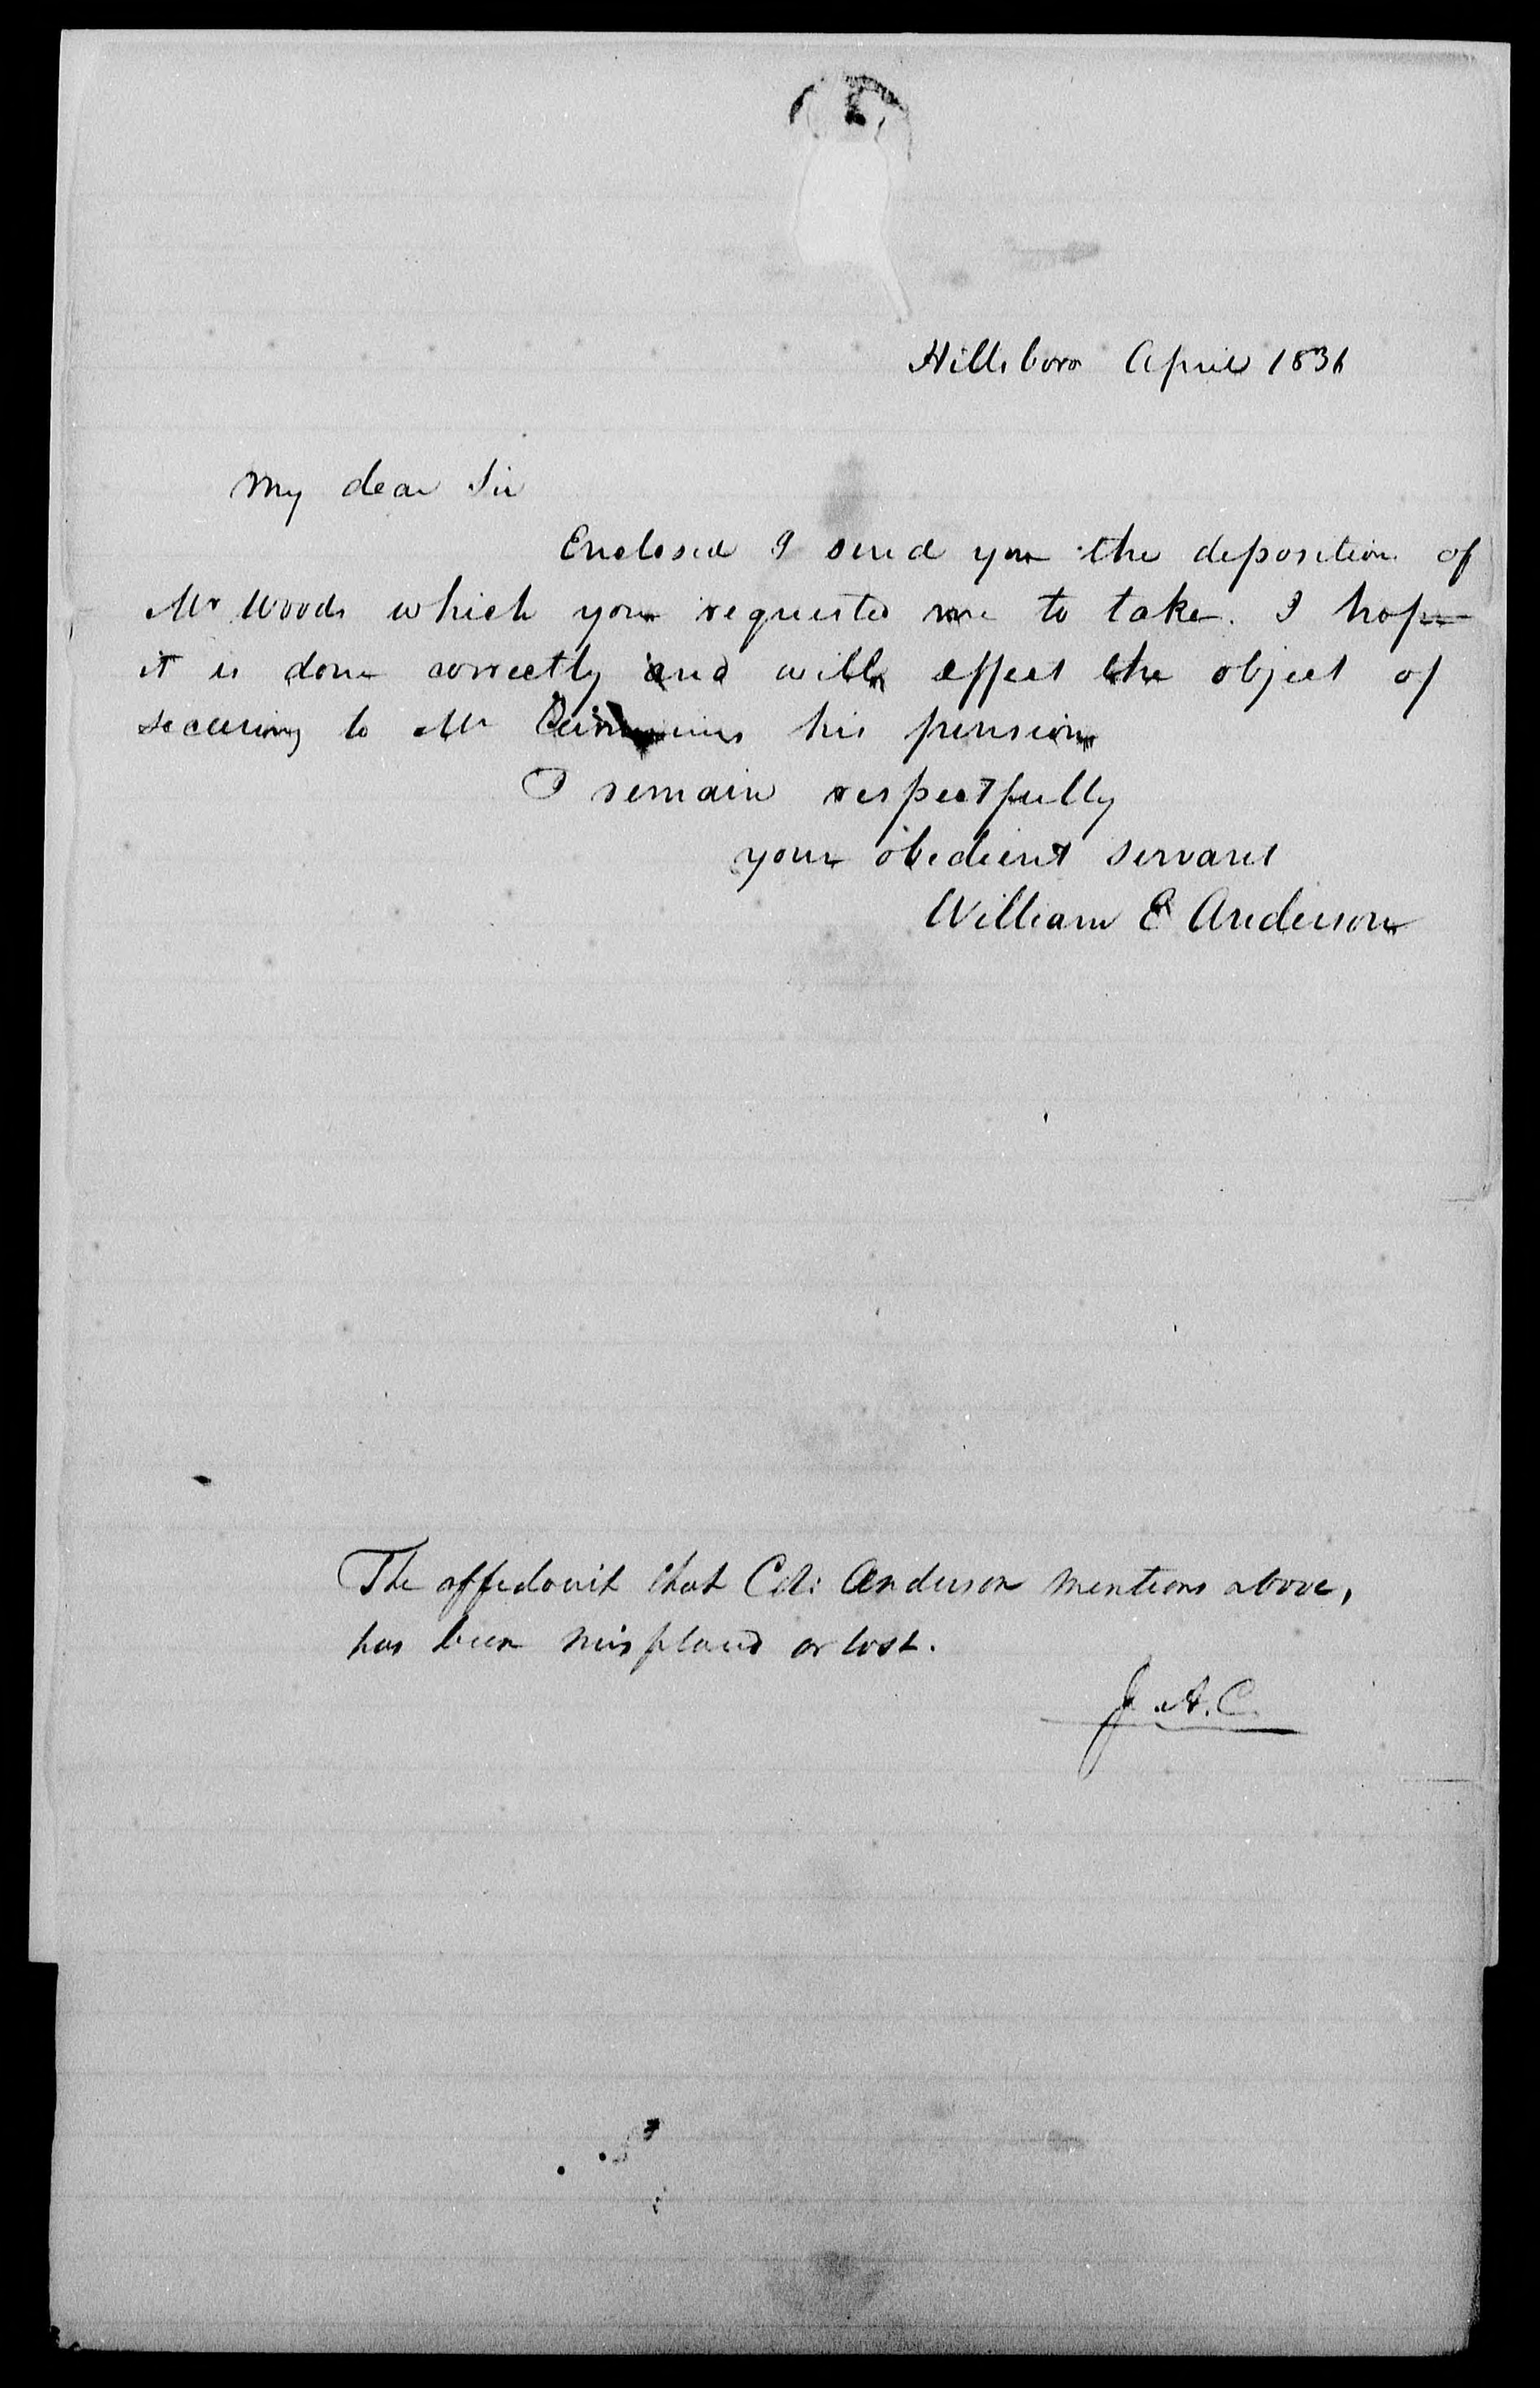[Handwritten letter. There is a small tear near the top middle part of the page.]

Hillsboro April 1836

My dear Sir

Enclosed I send you the deposition of Mr. Woods which you requested me to take.  I hope it is done correctly and will [here it looks like the word "affect" was changed to:] effect the object of securing to Mr Cummins his pension.

I remain respectfully
your obedient servant
William E. Anderson 

The affidavit that Col: [Colonel] Anderson mentions above, has been misplaced or lost.
[Signature as initials, underlined:] J. A. C.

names: William E Anderson, Anderson, Woods, Cummins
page: 112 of 145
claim: survivor's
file: S. 8265, William Cumming, N.C.